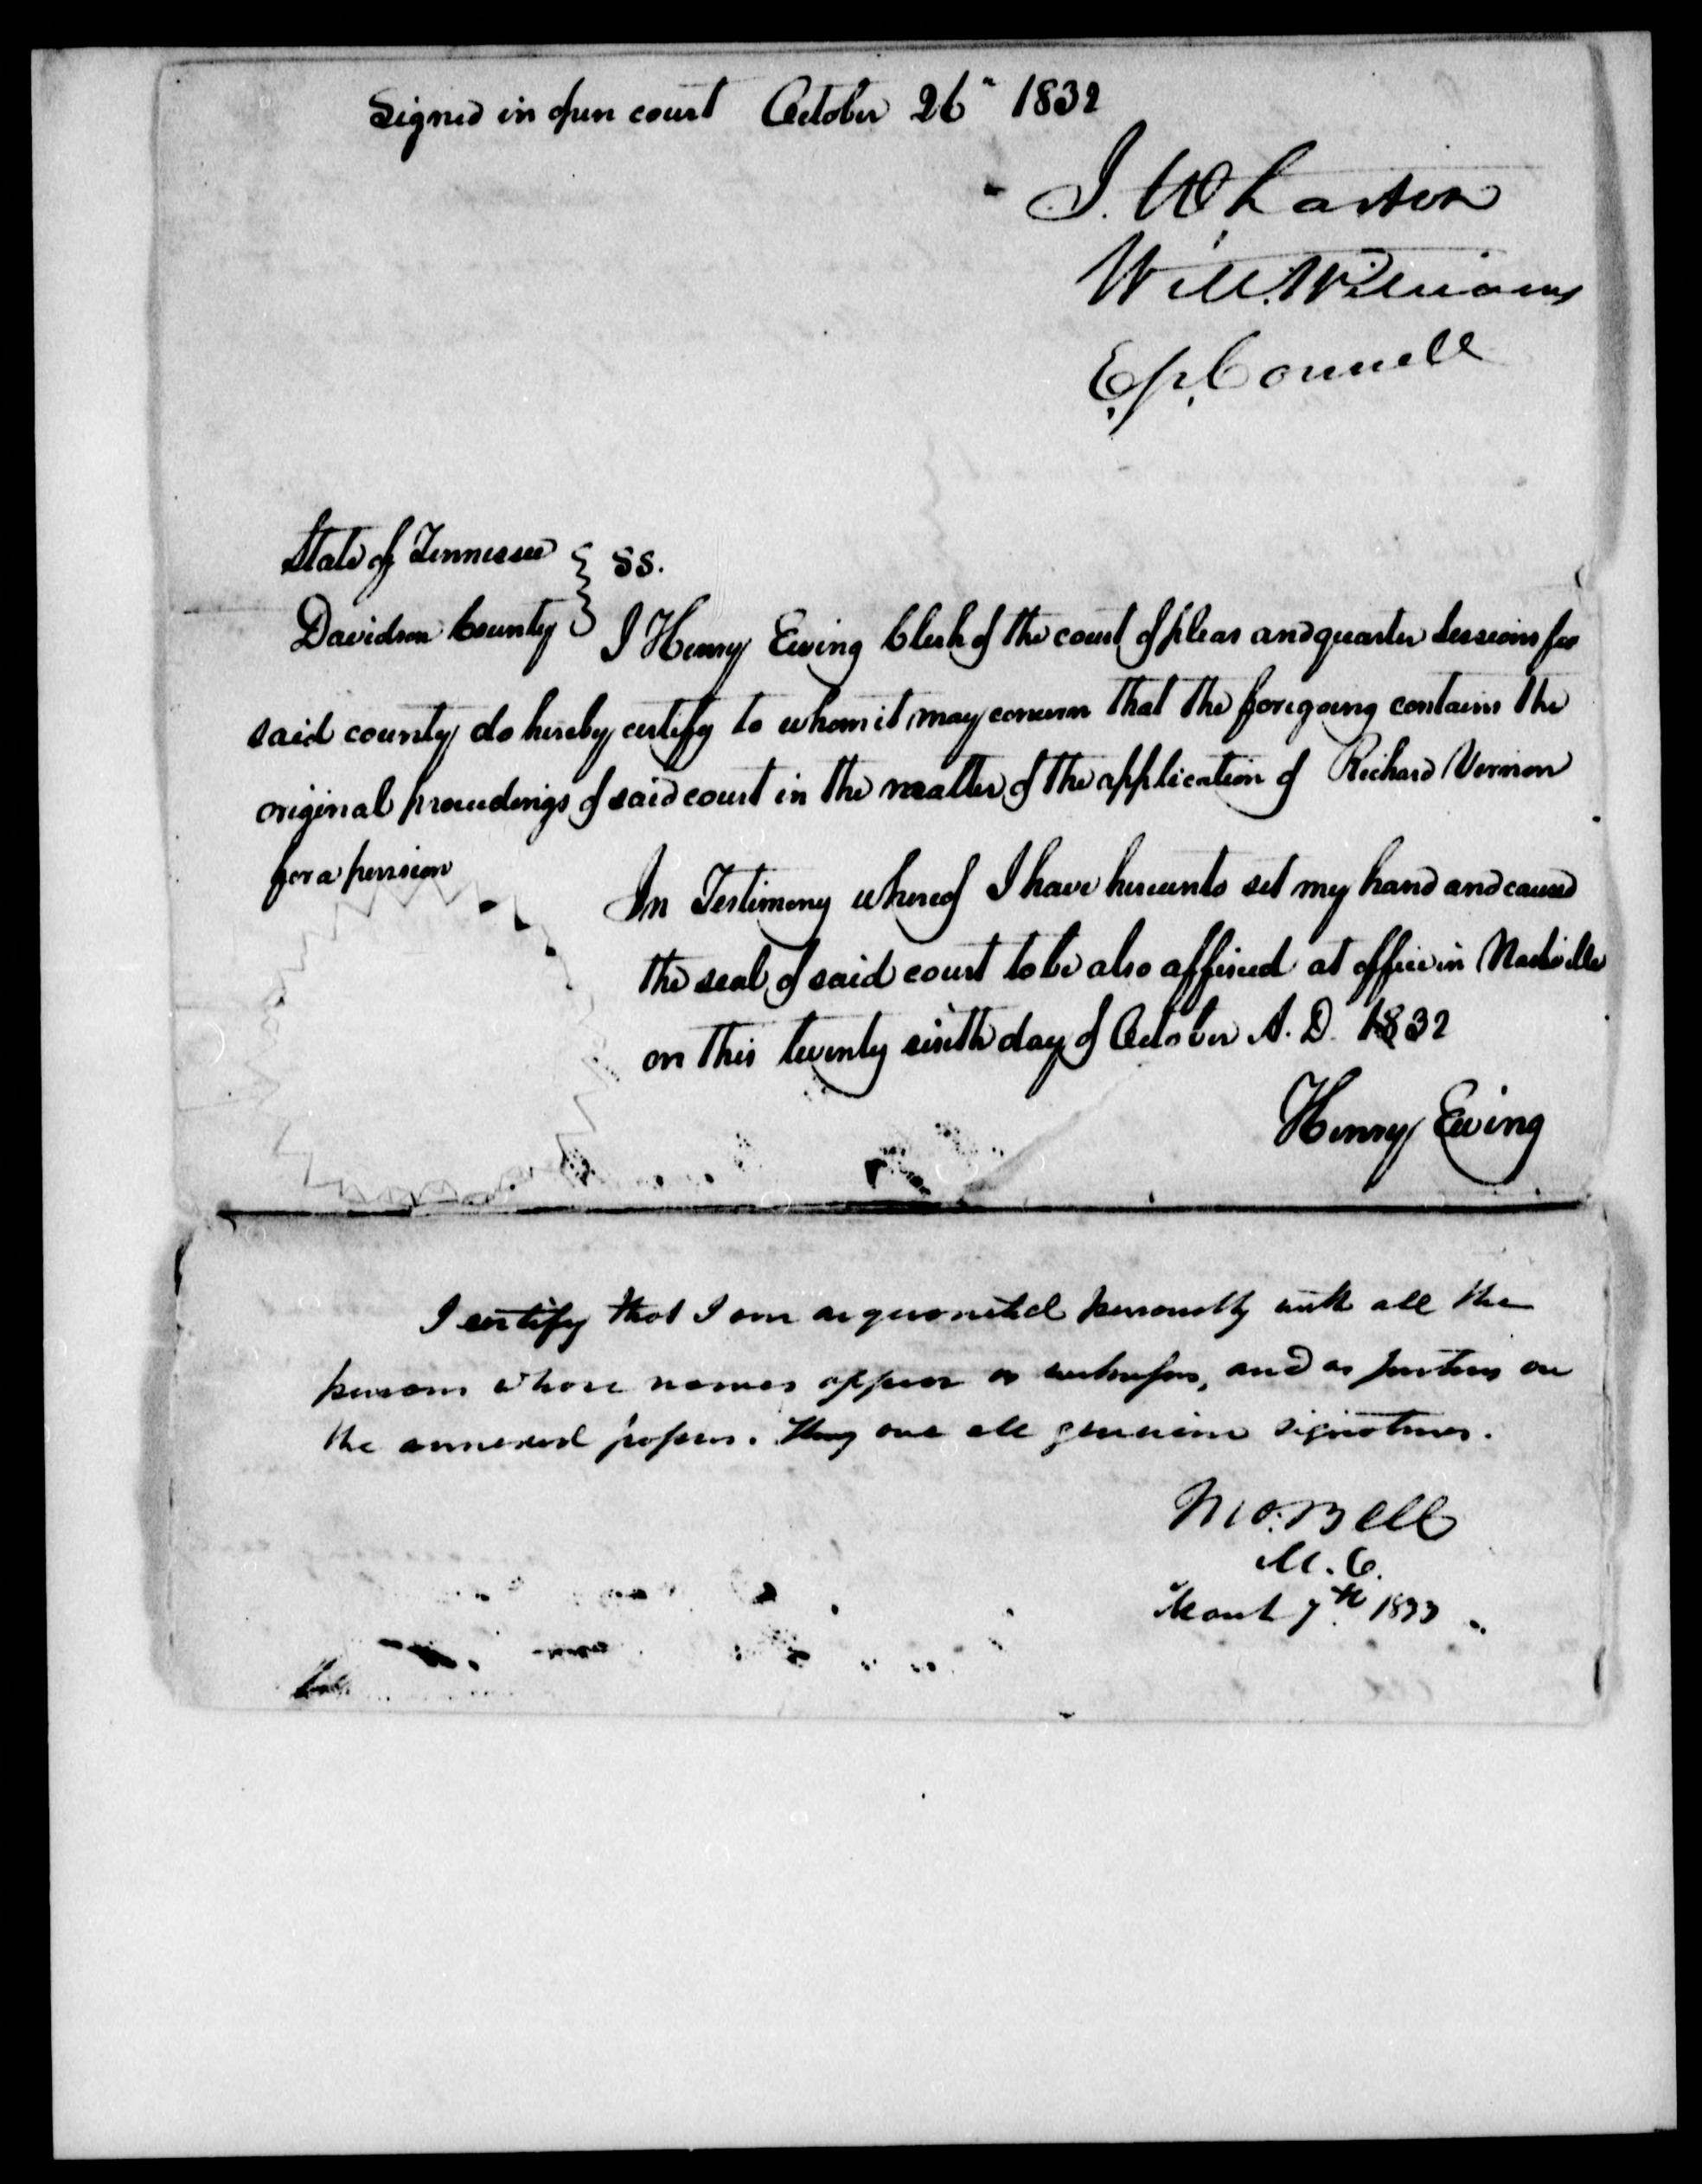Signed in open court October 26th 1832
J. Wharton
Wm. Williams
E. J. Connell

State of Tennessee}  SS.
Davidson County}

I Henry Ewing Clerk of the court of please and quarter Sessions for said county do hereby certify to whom it may concern That the foregoing contains the original proceedings of said court in the matter of the application of Richard Vernon for a pension
In Testimony whereof I have hereunto set my hand and caused the seal of said court to be also affixed at office in Nashville on this twenty sixth day of October A.D. 1832
Henry Ewing
I certify that I am acquainted personally with all the persons whose names appear as subscribed, and as further on the annexed papers. They are all genuine signatures.
Hon. Bell 
M.C.
March 7th 1833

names: E P Connell, Henry Ewing, Will Williams, Henry Ewing, Richard Vernon, J Wharton, Jno Bell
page: 14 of 105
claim: survivor's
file: S. 1883, Richard Vernon, N.C.